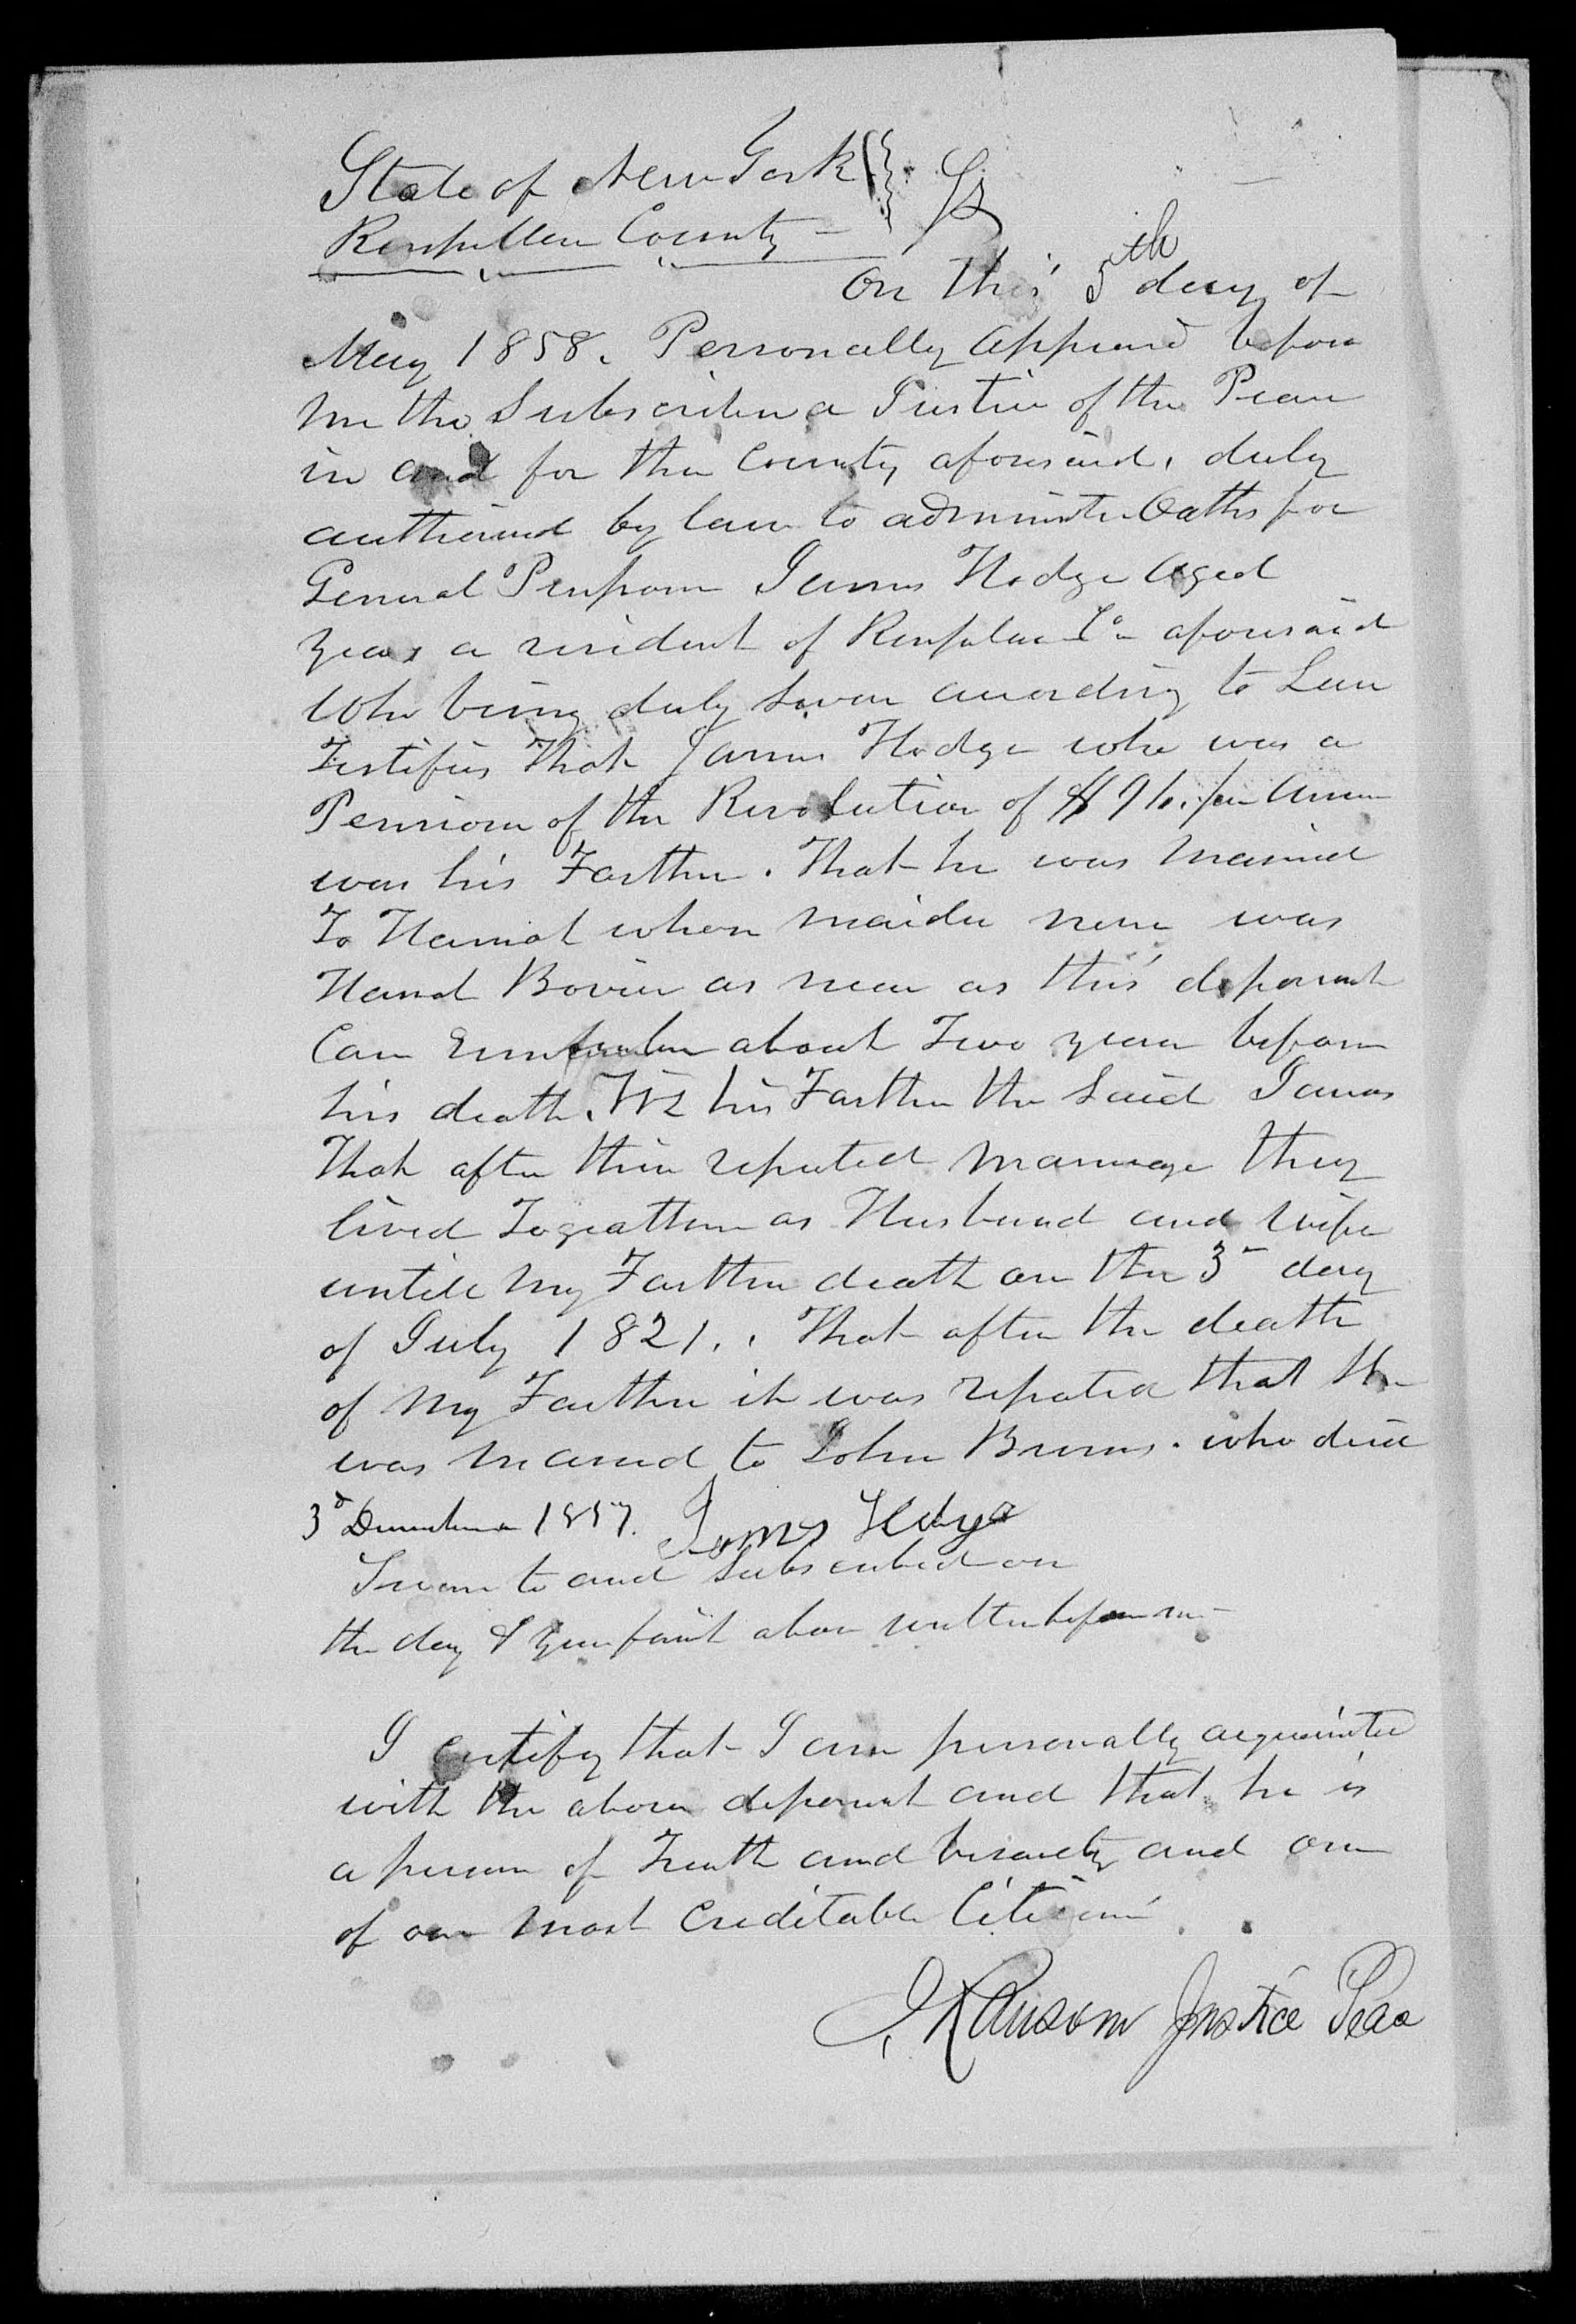State of New York
Rensselaer County 
On this 5th day of May 1858, personally appears before me the state (illegible) a Justice of the Peace in and for the county aforesaid duly authenticated by lawto adminster oaths for General purposes James Hodge aged (illegible) a affiviant of Rensselaer aforesaid who being duly sworn according to law testifies that James Hodge who was a pensioner of the Revolution of the (illegible) was his father.  That he was married to Hannah when maiden name was Hannah Bovier as this (illegible) about five year before hsi death.  (Illegible) his father he said (illegible)  That after their reputed marriage they lived together as husband and wife until my father death on the 3rd day of July, 1821.  That after the death of my father it was (Illegible) that she was married to John Burnes who died on 3rd December 1857
Sworn to and subscribed the day (illegible).
I certify that I am personally acquianted with the above deponent and that he is a person of truth and (illegible) and over an (illegible) creditable citizen.

J Ransom , Justice Peace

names: John Burns, James Hodge, James Hodge, Hanah Bovier, J Ransom, James Hodge, James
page: 45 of 48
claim: widow's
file: W. 10476, James Hodge, New York